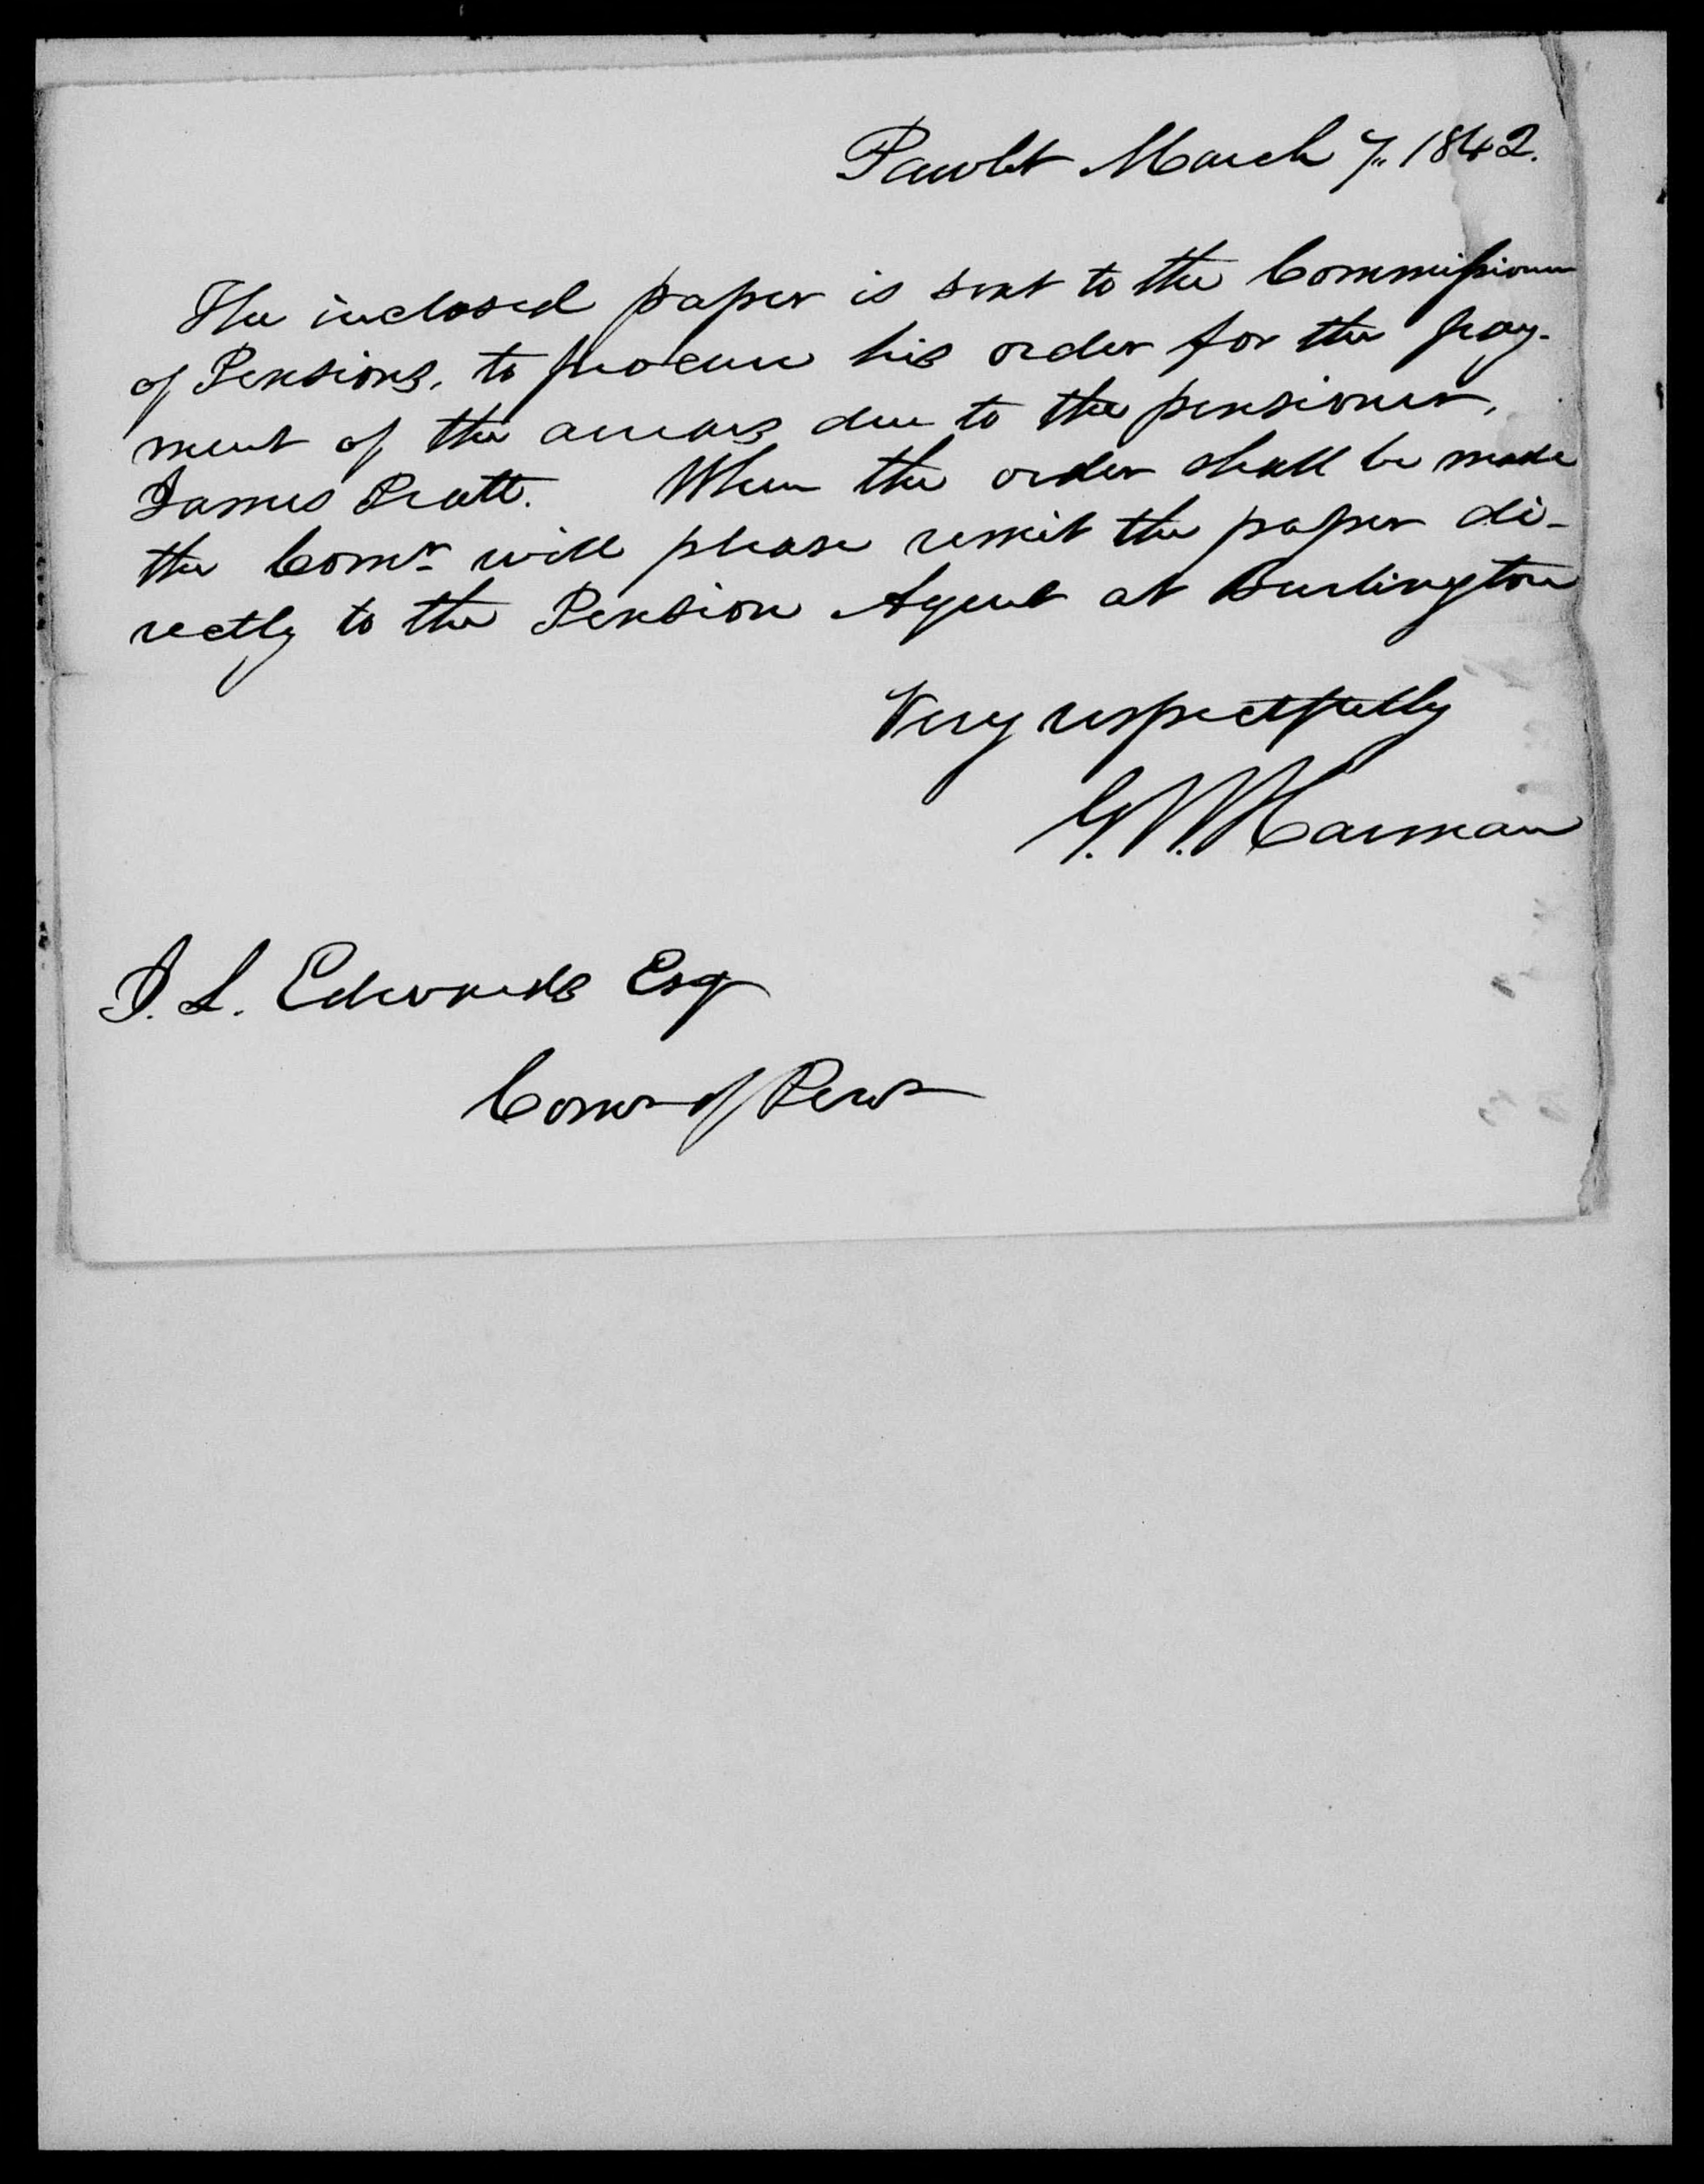Pawlet March 7 1842.
The inclosed paper is sent to the Commissioner
of Pensions to procure his order for the payment of the arrears due to the pensioner,
James Pratt.
When the order shall be made 
the Comr will please remit the paper directly
to the Pension Agent at Burlington
Very respectfully
G. W. Harman

J.L. Edwards Esq
Comr of Pens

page: 27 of 29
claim: survivor's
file: S. 14,222, for James Pratt, Vermont